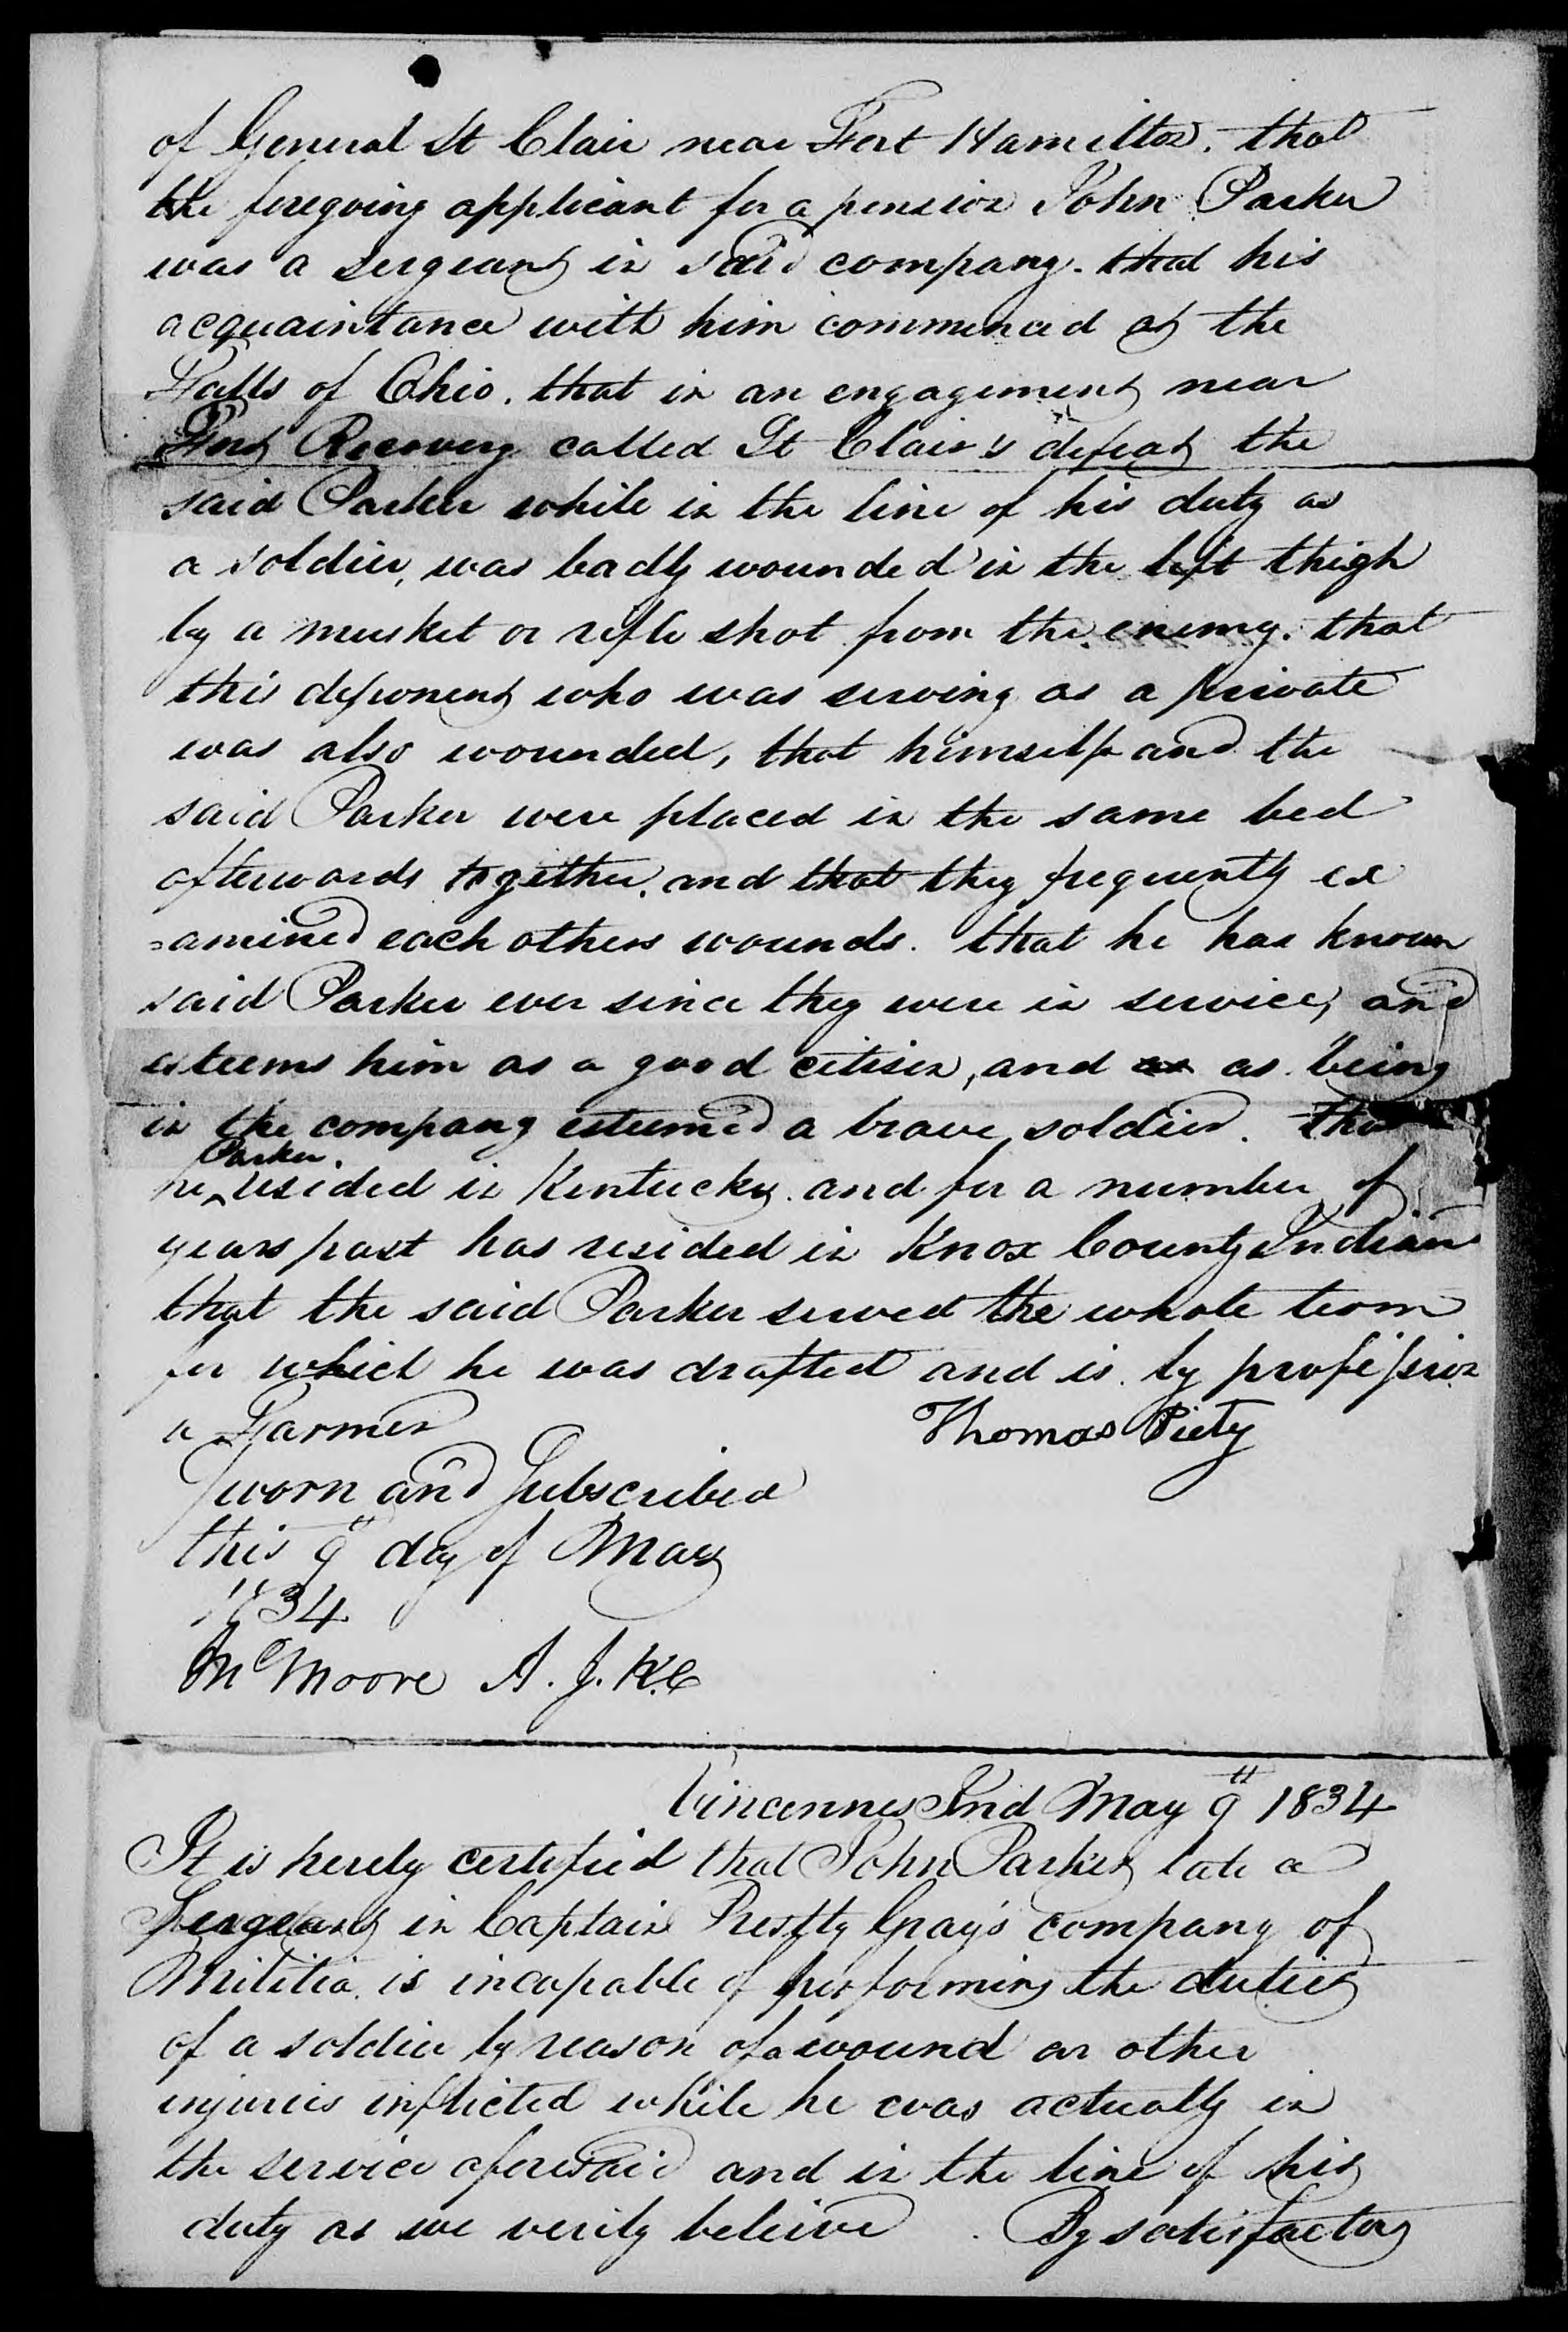of General St Clair near Port Hannittor, that the foregoing applicant for a pension John Parker was a Sergeant in said company, that his acquaintance with him commenced at the Falls of Ohio, that in an engagement near Port Recovery called St Clair's defeat the said Parker while in the line of duty as a soldier was badly wounded in the left thigh by a musket or rifle shot from the enemy, that this deponent who was serving as a private was also wounded, that himself and the said Parker were placed in the same bed afterward together, and that they frequently examined each others wounds. that he has known said Parker ever since they were in service, and esteem him as a good citizen, and as being in the company esteemed a brave soldier. that he resided in Kentucky and for a number of years past has resided in Knox County Indiana. that the said Parker served the whole term for which he was drafted and is by profession a Farmer.

Thomas Piety

Sworn and Subscribed
this 9th day of May
1834
In Moore A.J.K.C.

Vincennes Ind May 9th 1834

It is hevely certified that John Parker late a Sergeant in Captain Prestly Gray's company of Militia is incapable of performing the duties of a soldier by reason of a wound an other injuries inflicted while he was actually in the service aforesaid and in the line of his duty as we verily beleive. By satisfactory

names: Jno Moore; John Parker; Thomas Piety; [BLANK] St Clair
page: 7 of 21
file: Old War Inv. File 26332, for John Parker, Other